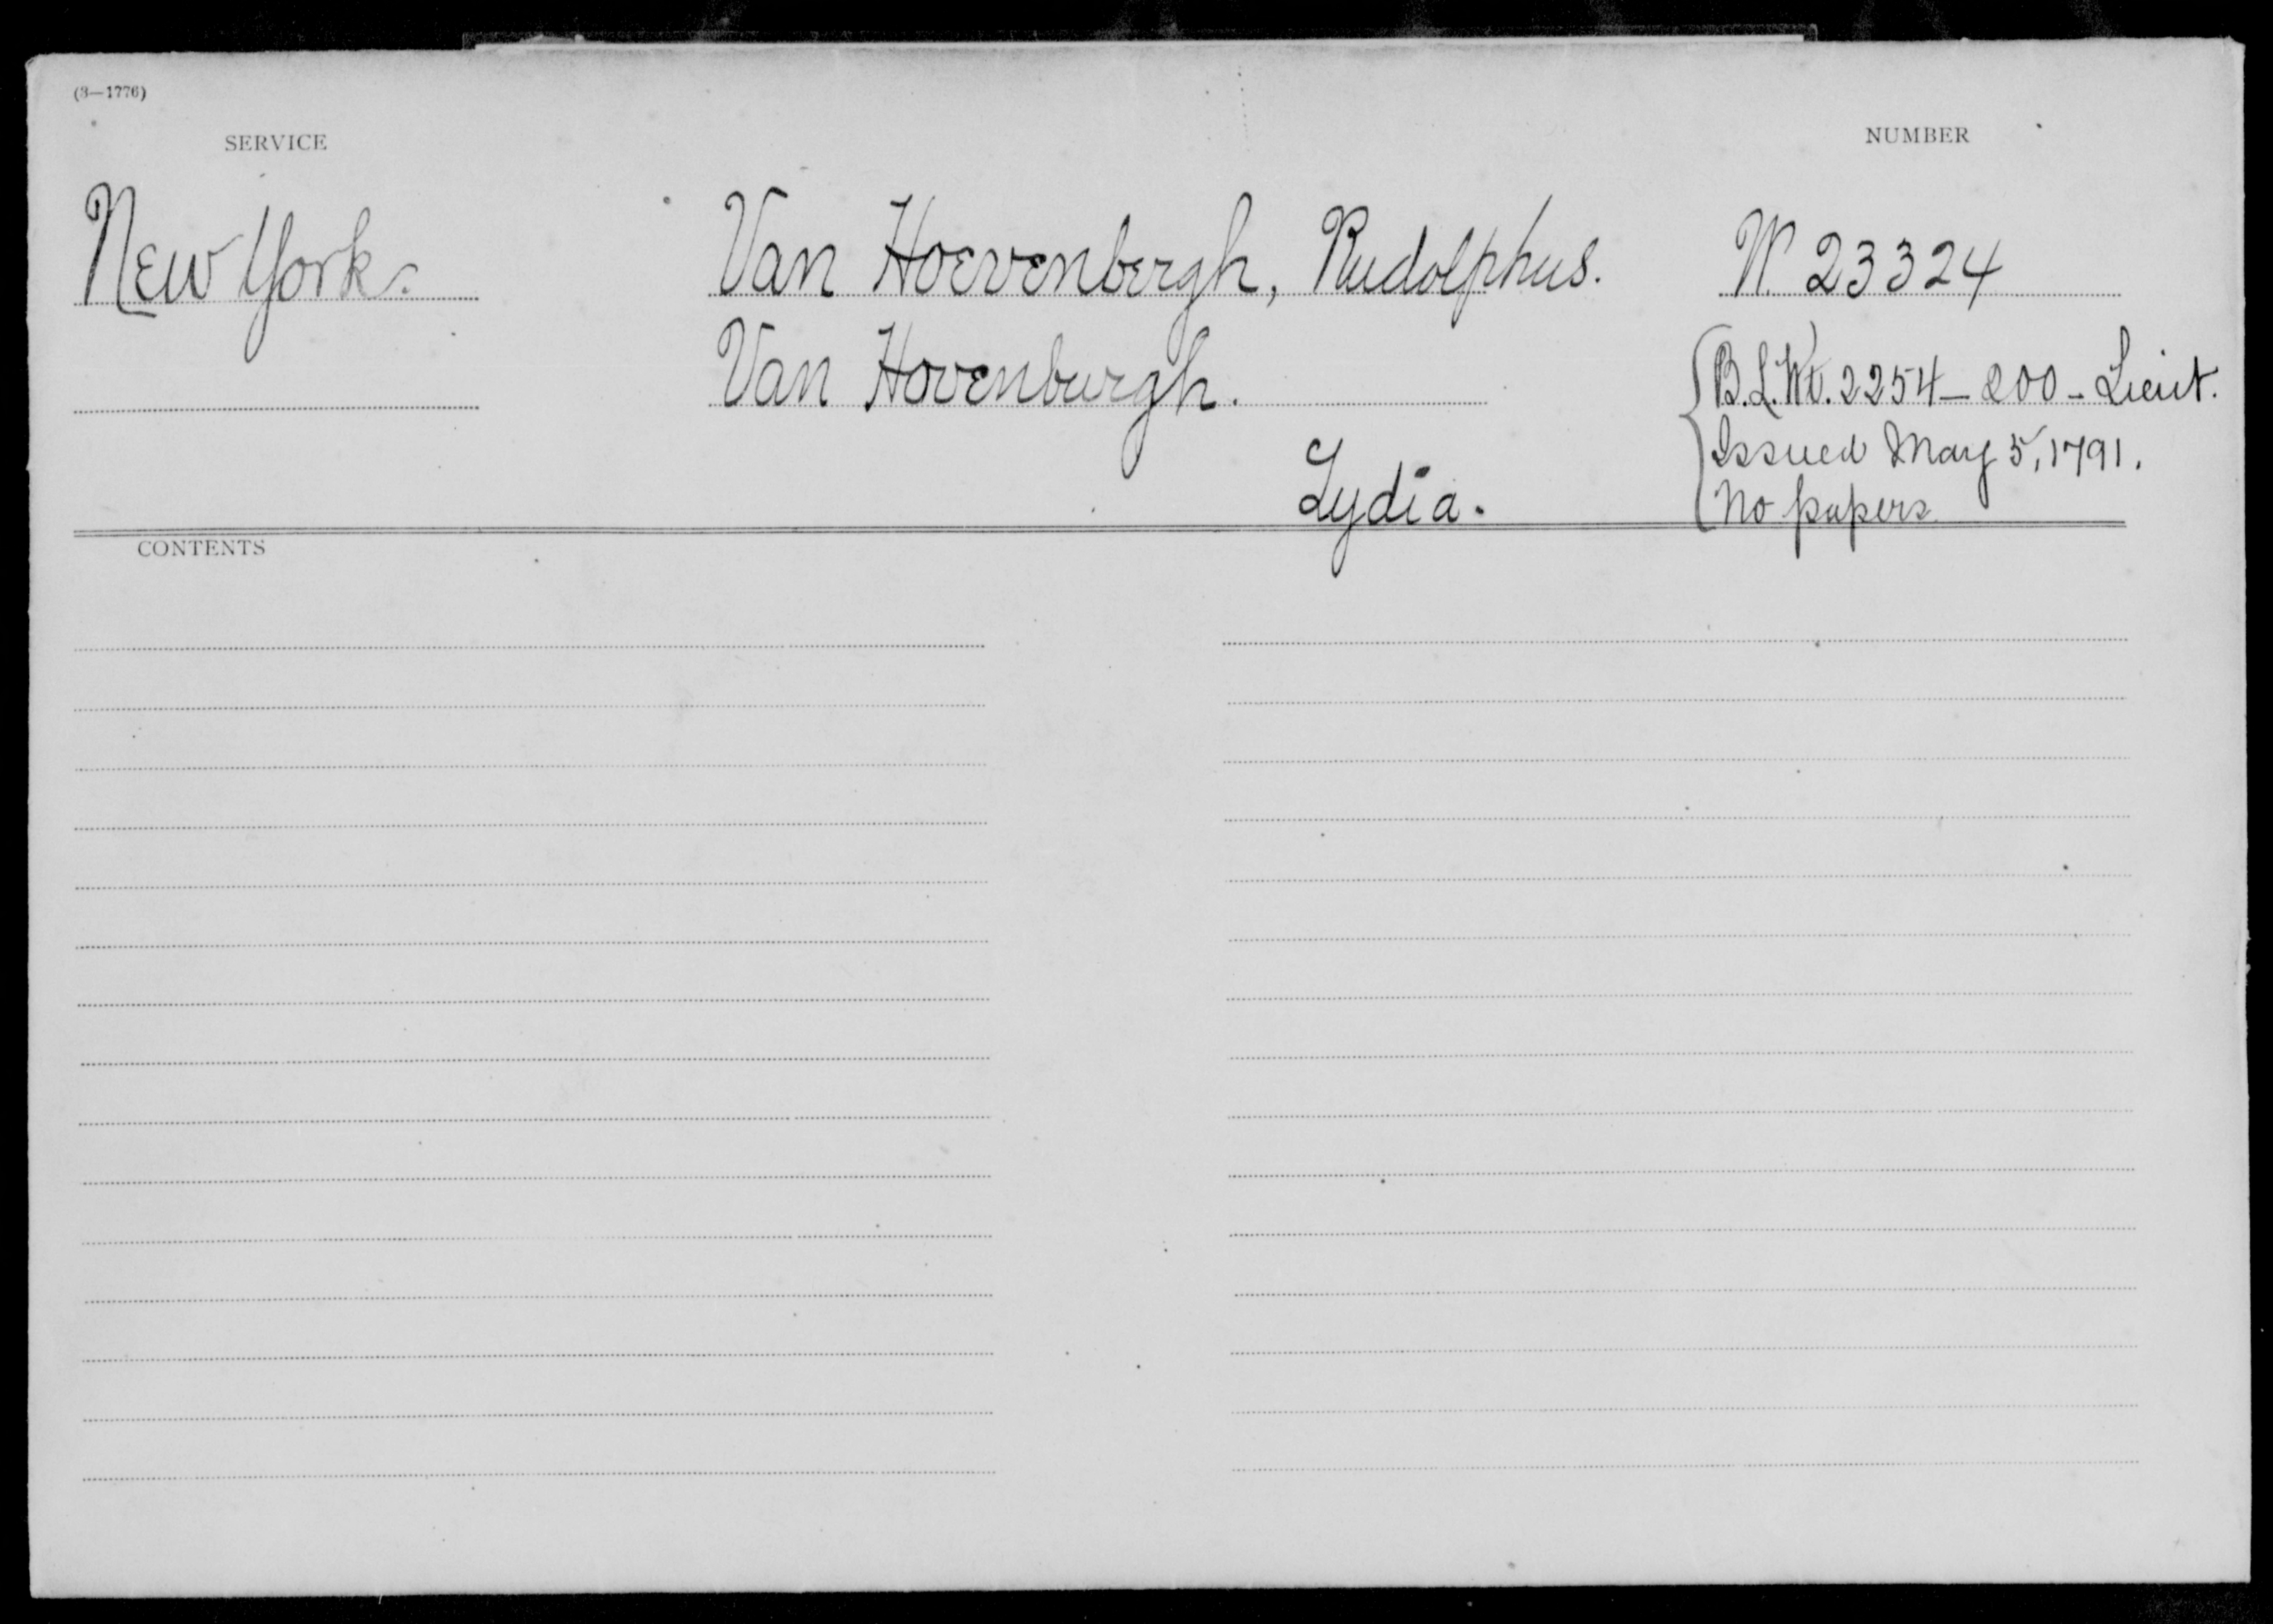(3 - 1776)
SERVICE
New York

Van Hoevenbergh, Rudolphus
Van Hovenburgh.
Lydia
NUMBER
W. 23324
B.L. Wt. 2524-200- Lieut
Issued May 5, 1791
No papers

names: Rudolphus Van Hovenburgh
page: 1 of 38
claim: widow's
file: W. 23324, Rudolphus Van Hoevenbergh, New York